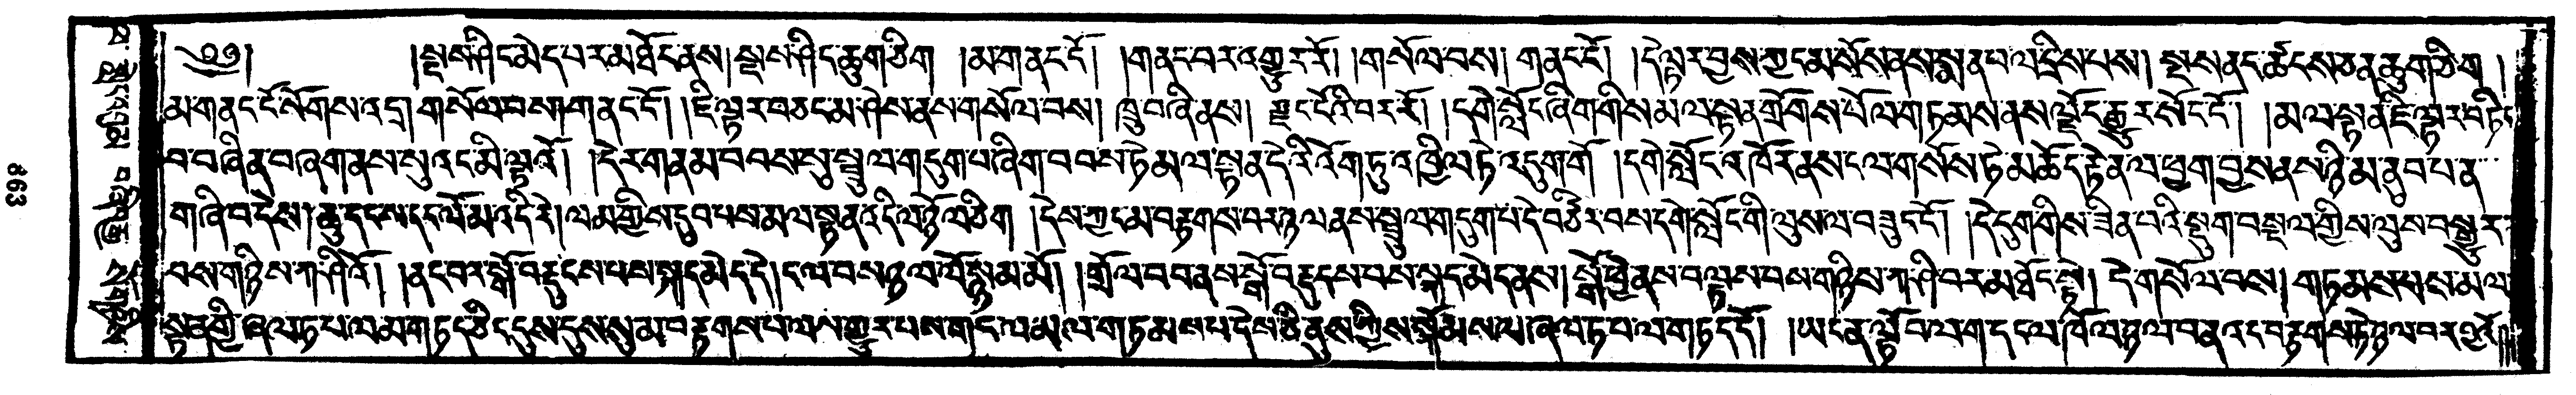༄༅། །སྡས་ཤིང་མེད་པར་མཐོང་ནས། སྡས་ཤིང་ཆུག་ཅིག །མ་གནང་ངོ། །གནང་བར་འགྱུར་རོ། །གསོལ་བས། གནང་ངོ། །དེ་ལྟར་བྱས་ཀྱང་མ་སོས་ནས་སྨན་པ་ལ་དྲིས་པས། སྔས་ནང་ཚངས་ཅན་ཆུག་ཅིག།
མ་གནང་ངོ་སོགས་འདྲ། གསོལ་བས། གནང་ངོ། །ཇི་ལྟར་བཅང་མ་ཤེས་ནས་གསོལ་བས། ཁྲུ་བཞི་ནས། རྫང་ངོའི་བར་རོ། །དགེ་སློང་ཞིག་གིས་མལ་སྟན་གྲོགས་པོ་ལ་གཏམས་ནས་ལྗོང་རྒྱུར་སོང་ངོ། །མལ་སྟན་ཇི་ལྟར་བཏིང་
བ་བཞིན་བཞག་ནས་སུའང་མི་ལྟའོ། །དེར་གནམ་བབས་སུ་སྦྲུལ་གདུག་པ་ཞིག་བབས་ཏེ་མལ་སྟན་དེའི་འོག་ཏུ་འཁྱིལ་ཏེ་འདུག་གོ །དགེ་སློང་འཁྲོ་ནས་ངལ་གསོས་ཏེ་མཆོད་རྟེན་ལ་ཕྱག་བྱས་ནས་ཉི་མ་ནུབ་པ་ན་
གཞི་བ་དེས། ཆུ་དང་ས་དང་ལོ་མ་འདི་རེ། ལམ་གྱིས་དུབ་པས་མལ་སྟན་འདི་ལ་ཉོལ་ཅིག །དེས་ཀྱང་མ་བརྟགས་པར་ཉལ་ནས་སྦྲུལ་གདུག་པ་དེ་བཙིར་བས་དགེ་སློང་གི་ལུས་ལ་བཟུང་ངོ། །དེ་དུག་གིས་ཟིན་པའི་སྡུག་བསྔལ་གྱིས་ལུས་བསྒྱུར་
བས་གཉིས་ཀ་ཤིའོ། །ནང་བར་སྒོ་བརྡུངས་པས་སྐད་མེད་དེ། ང་ལ་བས་ཉལ་ལོ་སྙམ་མོ། །གྲོལ་བབ་ནས་སྒོ་བརྡུངས་པས་སྐད་མེད་ནས། སྒོ་ཕྱེ་ནས་བལྟས་པས་གཉིས་ཀ་ཤི་བར་མཐོང་སྟེ། དེ་གསོལ་བས། གཏམས་པས་མལ་
སྟན་གྱི་ཞལ་ཏ་པ་ལམ་གཏད་ཅིང་དུས་དུས་སུམ་བརྟགས་པ་ལས་གྱུར་པས་གང་ལམ་ལ་གཏམས་པ་དེས་ཅི་ནུས་ཀྱིས་སྐོམས་ལ་ཞལ་ཏ་པ་ལ་གཏད་དོ། །ཡང་ན་ལྟོབ་ལ་ག་དང་ལ་ཁོལ་ཉལ་བ་ནའང་བརྟགས་ཏེ་ཉལ་བར་བྱའོ།།